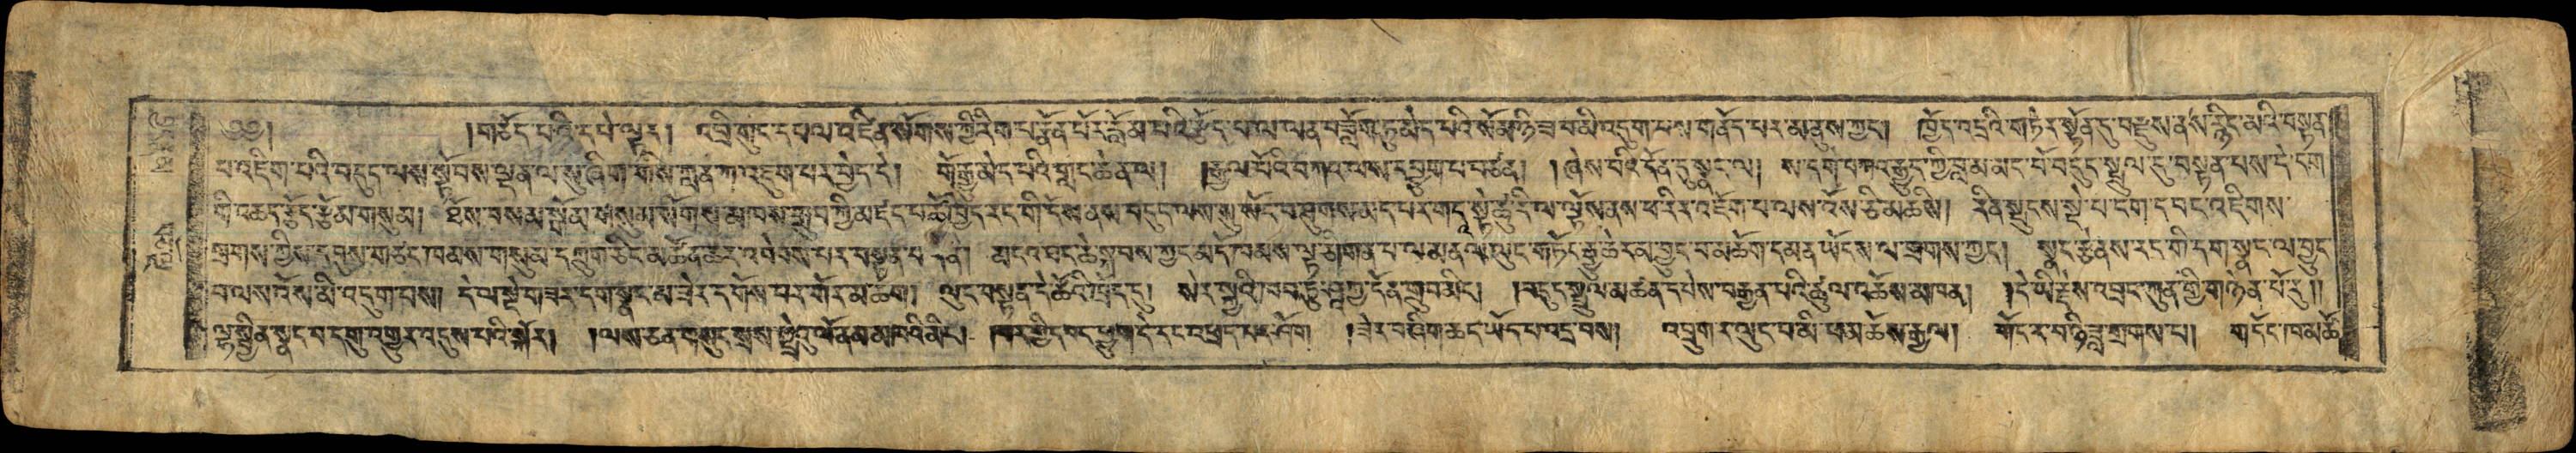༄༅། །གཅོད་པའི་དཔེ་ལྟར། འབྲི་གུང་དཔལ་འཛིན་སོགས་ཀྱི་རིག་པ་རྣོན་པོར་རློམ་པའི་རྩོད་པ་ལ་ལན་བཟློག་ཏུ་མེད་པའི་སོམ་ཉི་ཟབ་མི་འདུག་པས་གནོད་པར་མ་ནུས་ཀྱང་། ཁྱོད་འདྲའི་གཏེར་སྟོན་དུ་བརྫུས་ནས་སྙིང་མའི་བསྟན་
པ་འཇིག་པའི་བདུད་ལས་སྟོབས་ལྡན་ལ་སུ་ཞིག་གིས་ཀླན་ཀ་འཇུག་པར་བྱེད་དེ། གོ་རྒྱུ་མེད་པའི་གླང་ཆེན་ལ། །རྒྱལ་པོའི་བཀའ་ལས་དབྱུག་པ་བཙན། །ཞེས་པའི་དོན་དུ་སྣང་ལ། ས་དགེ་བཀའ་རྒྱུད་ཀྱི་བླ་མ་མང་པོ་བདུད་སྤྲུལ་དུ་བསྟན་པས་དེ་དག་
གི་འཆད་རྩོད་རྩོམ་གསུམ། ཐོས་བསམ་སྒོམ་གསུམ་སོགས་མཁས་གྲུབ་ཀྱི་མཛད་པ་ཚོ་ཁྱེད་རང་གི་ངོས་ནས་བདུད་ལས་སུ་སོང་བ་ཐུགས་མད་པར་གངཱ་སྟེ་ཚུ་རི་ལ་ལྟོས་ནས་ཕ་རིར་འཇོག་པ་ལས་འོས་ཅི་མཆིས། རིན་སྤུངས་སྡེ་པ་ངག་དབང་འཇིགས་
གྲགས་ཀྱིས་དབུས་གཙང་ཁམས་གསུམ་དཀྲུགས་ཅིང་མཚོན་ཆར་འབེབས་པར་བསྟན་པ་དེ་ནི། མངའ་ཐང་ཆེ་སྐབས་ཀྱང་མདོ་ཁམས་ལྟ་ཅི། གན་པ་ལ་མན་ལ་ལུང་གཏོང་རྒྱུ་ཆེར་མ་བྱུང་བ་མཆོག་དམན་ཡོངས་ལ་གྲགས་ཀྱང་། སྣང་རྩེ་ནས་རང་གི་དག་སྣང་ལ་བྱུང་
བ་ལས་འོས་མི་འདུག་པས། དེ་ལ་སྡེ་གཟར་དག་སྣང་མ་ཟེར་དགོས་པར་གོར་མ་ཆག། ལུང་བསྟན་དེ་ཚོའི་ཁྲོད་དུ། སེར་སྐྱའི་ཁབ་ཏུ་ཤཱཀྱ་དོན་གྲུབ་མིང་། །བདུད་སྤྲུལ་མཚན་དཔེས་བརྒྱན་པའི་ཚུལ་འཆོས་མཁན། །དེ་ཡི་རྗེས་འབྲང་ཀུན་གྱི་གཉེན་པོ་རུ།།
ལྷ་སྦྱིན་སྣང་བ་དགུ་འགྱུར་འདུས་པའི་སྐོར། །ལས་ཅན་གསུང་སྲས་སྤྲེའུ་ལོ་ནམ་མཁའི་མིང་། །གར་གྱི་དབང་ཕྱུག་དེ་དང་འཕྲད་པར་ཤོག །ཟེར་བ་ཞིག་ཆད་ཡོད་པ་འདྲ་བས། འབྲུག་ར་ལུང་བ་མི་ཕམ་ཆོས་རྒྱལ། གོང་ར་བ་ཉི་ཟླ་གྲགས་པ། བ་དོང་ཁ་མཚོ་